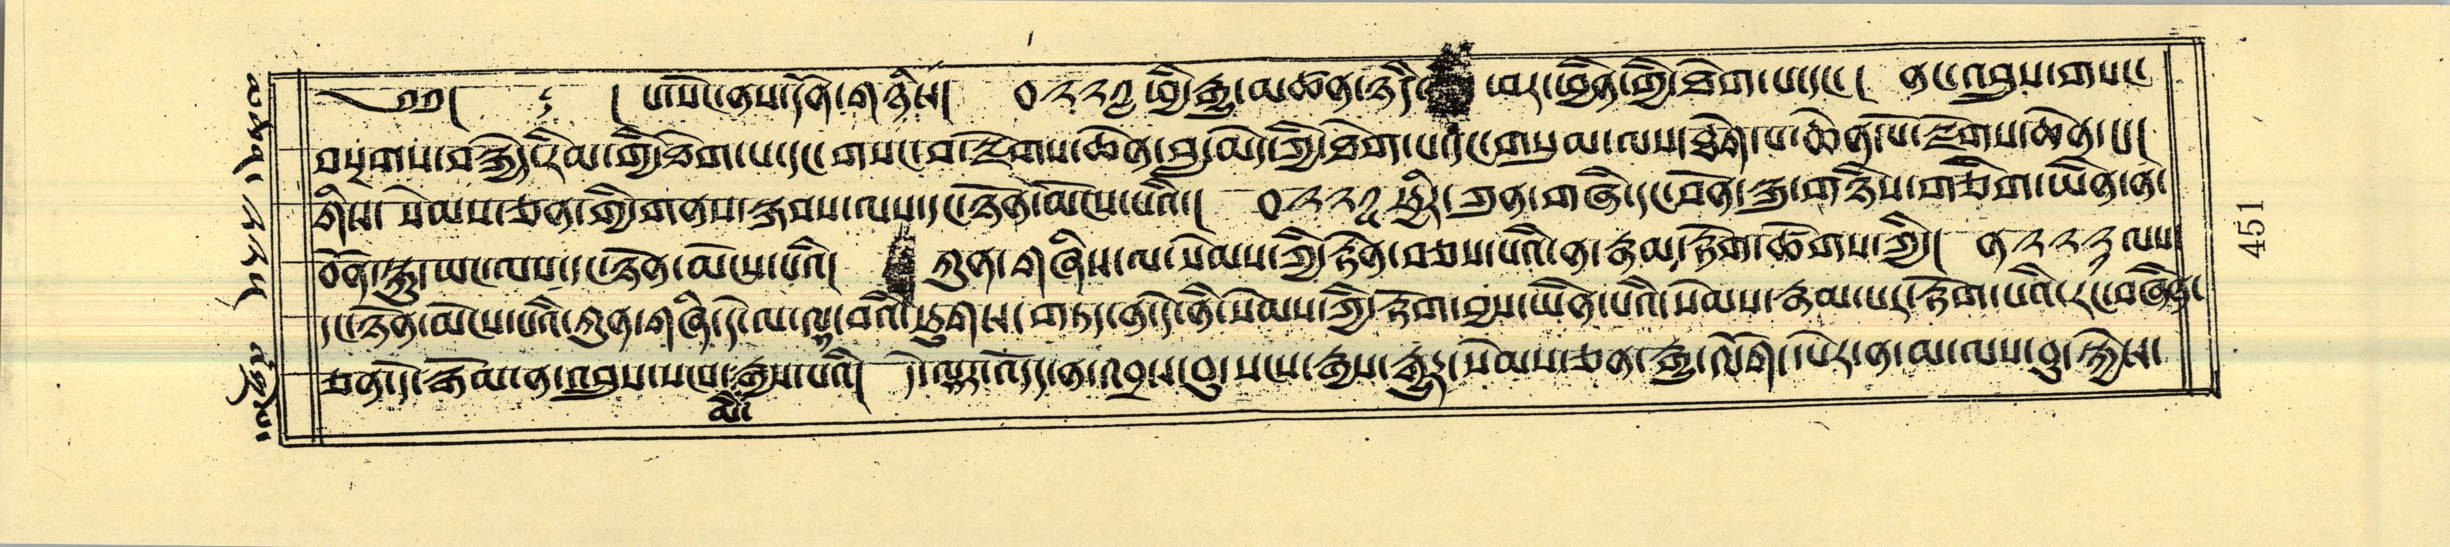པ་སོང་ནས་དོན་གཉིས། བ༢༢༡།༤ཕྱི་རྒྱུ་མཚན་ཉིད་ཕར་ཕྱིན་ཐེག་པ་དང་། ནང་འབྲས་བུ་གསང་
སྔགས་བསྐྱེད་རིམ་གྱི་ཐེག་པ་དང་། གསང་བ་རྫོགས་ཆེན་བླ་མེད་ཀྱི་ཐེག་པ་དང་གསུམ་ལས་༼ཐེག༽པ་༼ཆེན་པོ༽རྫོགས་ཆེན་པ་
༼གིས༽སེམས་ཅན་གྱི་གནས་སྐབས་ལས་དང་ཉོན་མོངས་པའི། བ༢༢༡།༥༼ཕྱིར༽ཀུན་གཞི་དང་བོན་སྐུ་གཉིས་གཅིག་ཡིན་ན་
༼བོན་སྐུ༽ཡང་ལས་དང་ཉོན་མོངས་པའི་ ༼ཀུན་གཞི༽ལ་སེམས་ཀྱི་རྟེན་བཅས་པས་ན་རྣམ་རྟོག་ཚོགས་ཀྱི་ན༢༢༢།༡ལས་
དང་ཉོན་མོངས་པའི་ཀུན་གཞི་དེ་ལ་ལྟ་བའི་༼ཕུགས༽གཏད་ན་དེ་ནི་སེམས་ཀྱི་རྟོག་བྱས་ཡིན་པས་སེམས་རྣམ་པར་རྟོག་པའི་རང་བཞིན་
ཅན་དེ་བསྒོམ་ན་འབྲས་བུ་སངས་མི་རྒྱས་པའི་དེ་ལྷར་འདོད་ན་༼འབྲས་བུ༽སངས་རྒྱས་༼རྒྱུར༽སེམས་ཅན་རྒྱུ་༼ལོག༽དཔེར་ན་མ་ལས་བུ་༼སྐྱེས༽